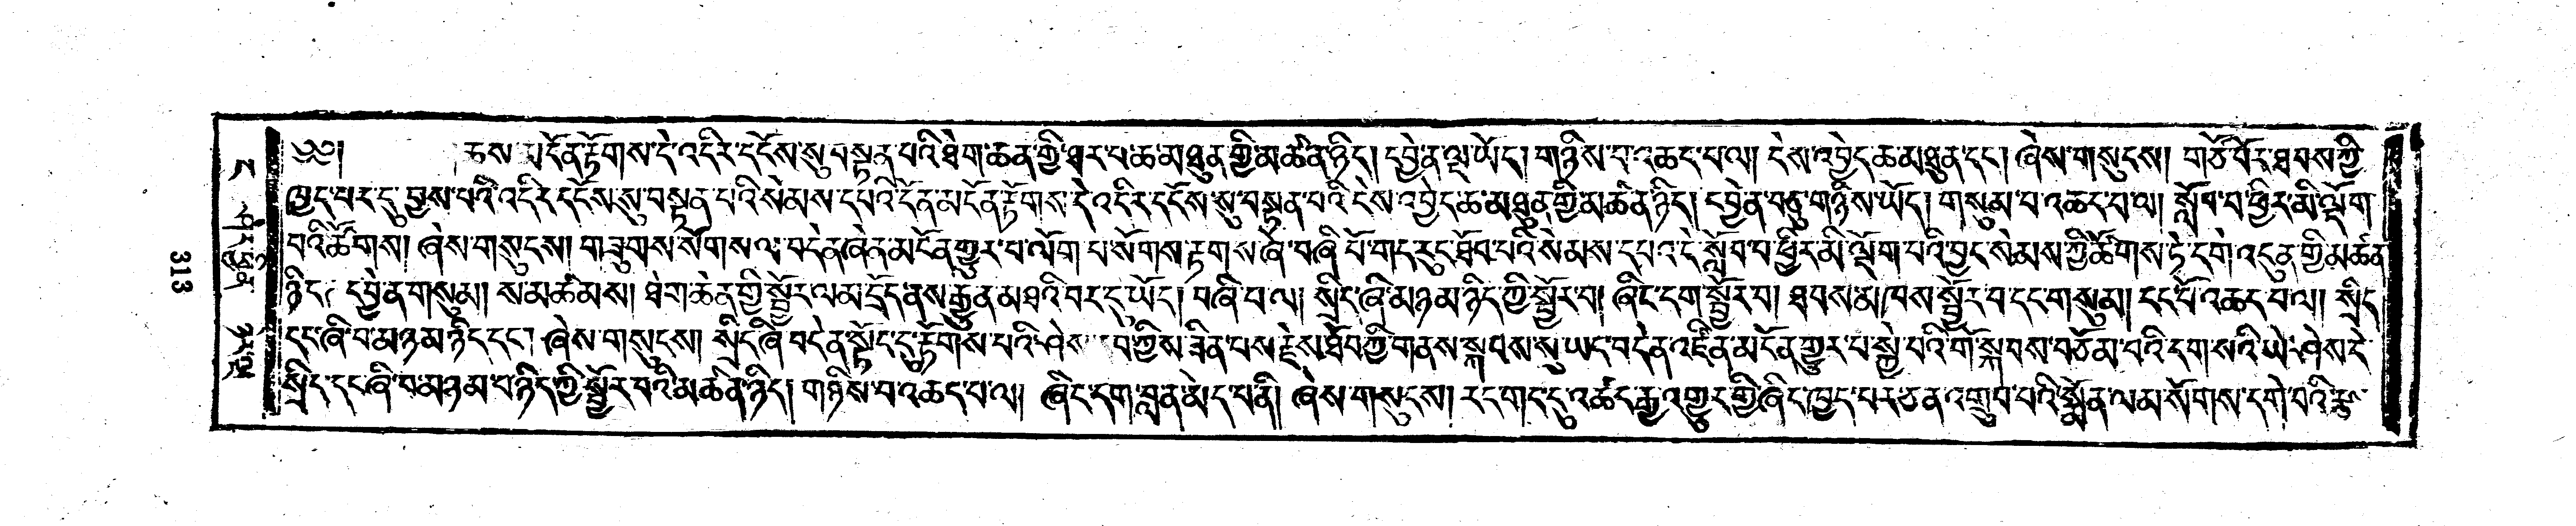༄༅། །ཆོས་མངོན་རྟོགས་དེ་འདིར་དངོས་སུ་བསྟན་པའི་ཐེག་ཆེན་གྱི་ཐར་པ་ཆ་མཐུན་གྱི་མཚན་ཉིད། དབྱེ་ན་ལྔ་ཡོད། གཉིས་པ་འཆད་པ་ལ། དེས་འབྱེད་ཆ་མཐུན་དང་། ཞེས་གསུངས། གཙོ་བོར་ཐབས་ཀྱི་
ཁྱད་པར་དུ་བྱས་པའི་འདིར་དངོས་སུ་བསྟན་པའི་སེམས་དཔའི་དོན་མངོན་རྟོགས་དེ་འདིར་དངོས་སུ་བསྟན་པའི་ངེས་འབྱེད་ཆ་མཐུན་གྱི་མཚན་ཉིད། དབྱེ་ན་བཅུ་གཉིས་ཡོད། གསུམ་པ་འཆད་པ་ལ། སློབ་པ་ཕྱིར་མི་ལྡོག་
པའི་ཚོགས། ཞེས་གསུངས། གཟུགས་སོགས་ལ་བདེན་ཞེན་མངོན་གྱུར་པ་ལོག་པ་སོགས་རྟགས་ཞེ་བཞི་པོ་གང་རུང་ཐོབ་པའི་སེམས་དཔའ་དེ་སློབ་པ་ཕྱིར་མི་ལྡོག་པའི་བྱང་སེམས་ཀྱི་ཚོགས་ཏེ་དགེ་འདུན་གྱི་མཚན་
ཉིད༑ དབྱེ་ན་གསུམ། ས་མཚམས། ཐེག་ཆེན་གྱི་སྦྱོར་ལམ་དྲོད་ནས་རྒྱུན་མཐའི་བར་དུ་ཡོད། བཞི་པ་ལ། སྲིད་ཞི་མཉམ་ཉིད་ཀྱི་སྦྱོར་བ། ཞིང་དག་སྦྱོར་བ། ཐབས་མཁས་སྦྱོར་བ་དང་གསུམ། དང་པོ་འཆད་པ་ལ། སྲིད་
དང་ཞི་བ་མཉམ་ཉིད་དང་། ཞེས་གསུངས། སྲིད་ཞི་བདེན་སྟོང་དུ་རྟོགས་པའི་ཤེས་རབ་ཀྱིས་ཟིན་པས་རྗེས་ཐོབ་ཀྱི་གནས་སྐབས་སུ་ཡང་བདེན་འཛིན་མངོན་གྱུར་པ་སྐྱེ་བའི་གོ་སྐབས་བཅོམ་པའི་དག་སའི་ཡེ་ཤེས་དེ་
སྲིད་དང་ཞི་བ་མཉམ་པ་ཉིད་ཀྱི་སྦྱོར་བའི་མཚན་ཉིད། གཉིས་པ་འཆད་པ་ལ། ཞིང་དག་བླ་ན་མེད་པ་ནི། ཞེས་གསུངས། རང་གང་དུ་འཚང་རྒྱ་འགྱུར་གྱི་ཞིང་ཁྱད་པར་ཅན་འགྲུབ་པའི་སྨོན་ལམ་སོགས་དགེ་བའི་རྩ་